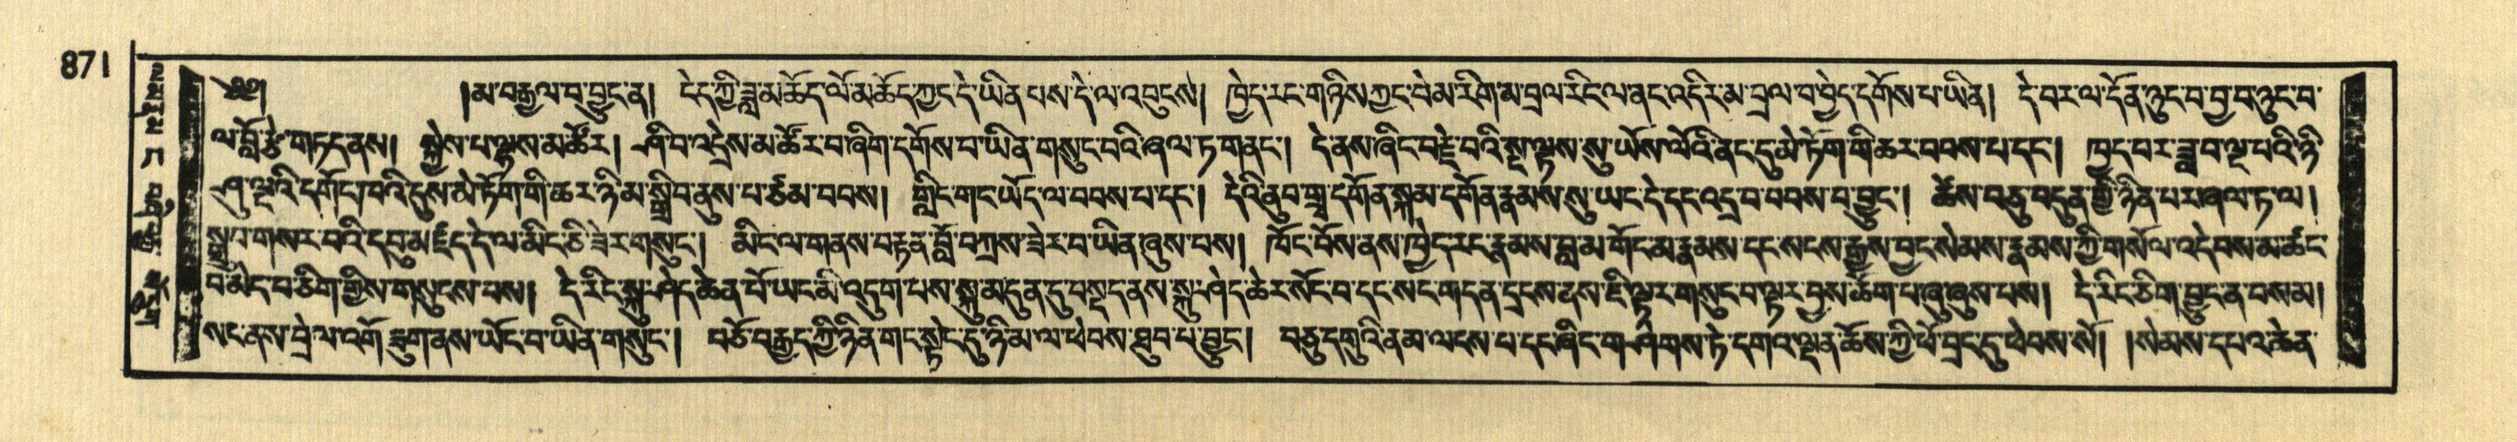༄༅། །མ་བརྒྱལ་བ་བྱུང་ན། ངེད་ཀྱི་ཟླ་མཆོད་ལོ་མཆོད་ཀྱང་དེ་ཡིན་པས་དེ་ལ་འབུངས། ཁྱེད་རང་གཉིས་ཀྱང་བེམ་རིག་མ་བྲལ་རིང་ལ་ནང་འདིར་མ་བྲལ་བ་བྱེད་དགོས་པ་ཡིན། དེ་བར་ལ་དོན་ཉུང་བ་བྱ་བ་ཉུང་བ་
ལ་བློ་རྩེ་གཏད་ནས། སྐྱེས་པ་ལྷས་མ་ཚོར། ཤི་བ་འདྲེས་མ་ཚོར་བ་ཞིག་དགོས་བ་ཡིན་གསུང་བའི་ཞལ་ཏ་གནང་། དེ་ནས་ཞིང་བརྗེ་བའི་སྔ་ལྟས་སུ་ཡོས་ལོའི་ནང་དུ་མེ་ཏོག་གི་ཆར་བབས་པ་དང་། ཁྱད་པར་ཟླ་བ་ལྔ་པའི་ཉི་
ཤུ་ལྔའི་དགོང་ཁའི་དུས་མེ་ཏོག་གི་ཆར་ཉི་མ་སྒྲིབ་ནུས་པ་ཙམ་བབས། གླིང་གང་ཡོད་ལ་བབས་པ་དང་། དེའི་ནུབ་གྲྭ་དགོན་སྐམ་དགོན་རྣམས་སུ་ཡང་དེ་དང་འདྲ་བ་བབས་བ་བྱུང་། ཚེས་བཅུ་བདུན་གྱི་ཉིན་པར་ཞལ་ཏ་ལ།
སྒྲུབ་གསར་བའི་དབུ་མཛད་དེ་ལ་མིང་ཅི་ཟེར་གསུང་། མིང་ལ་གནས་བརྟན་བློ་བཀྲས་ཟེར་བ་ཡིན་ཞུས་པས། ཁོང་བོས་ནས་ཁྱེད་རང་རྣམས་བླ་མ་གོང་མ་རྣམས་དང་སངས་རྒྱས་བྱང་སེམས་རྣམས་ཀྱི་གསོལ་འདེབས་མ་ཚང་
བ་མེད་པ་ཅིག་གྱིས་གསུངས་བས། དེ་རིང་སྐུ་ཤེད་ཆེན་པོ་ཡང་མི་འདུག་པས་སྐུ་མདུན་དུ་བསྡད་ནས་སྐུ་ཤེད་ཆེར་སོང་བ་དང་སང་གདན་དྲངས་ནས་ཇི་ལྟར་གསུང་བ་ལྟར་བྱས་ཆོག་པ་ཞུ་ཞུས་པས། དེ་རིང་ཅིག་བྱུང་ན་བསམ།
སང་ནས་བྲེལ་འོག་ཟུག་ནས་ཡོང་བ་ཡིན་གསུང་། བཅོ་བརྒྱད་ཀྱི་ཉིན་གང་སྟེང་དུ་ཉི་མ་ལ་ཕེབས་ཐུབ་པ་བྱུང་། བཅུ་དགུའི་ནམ་ལངས་པ་དང་ཞིང་གཤེགས་ཏེ་དགའ་ལྡན་ཆོས་ཀྱི་ཕོ་བྲང་དུ་ཕེབས་སོ། །སེམས་དཔའ་ཆེན་